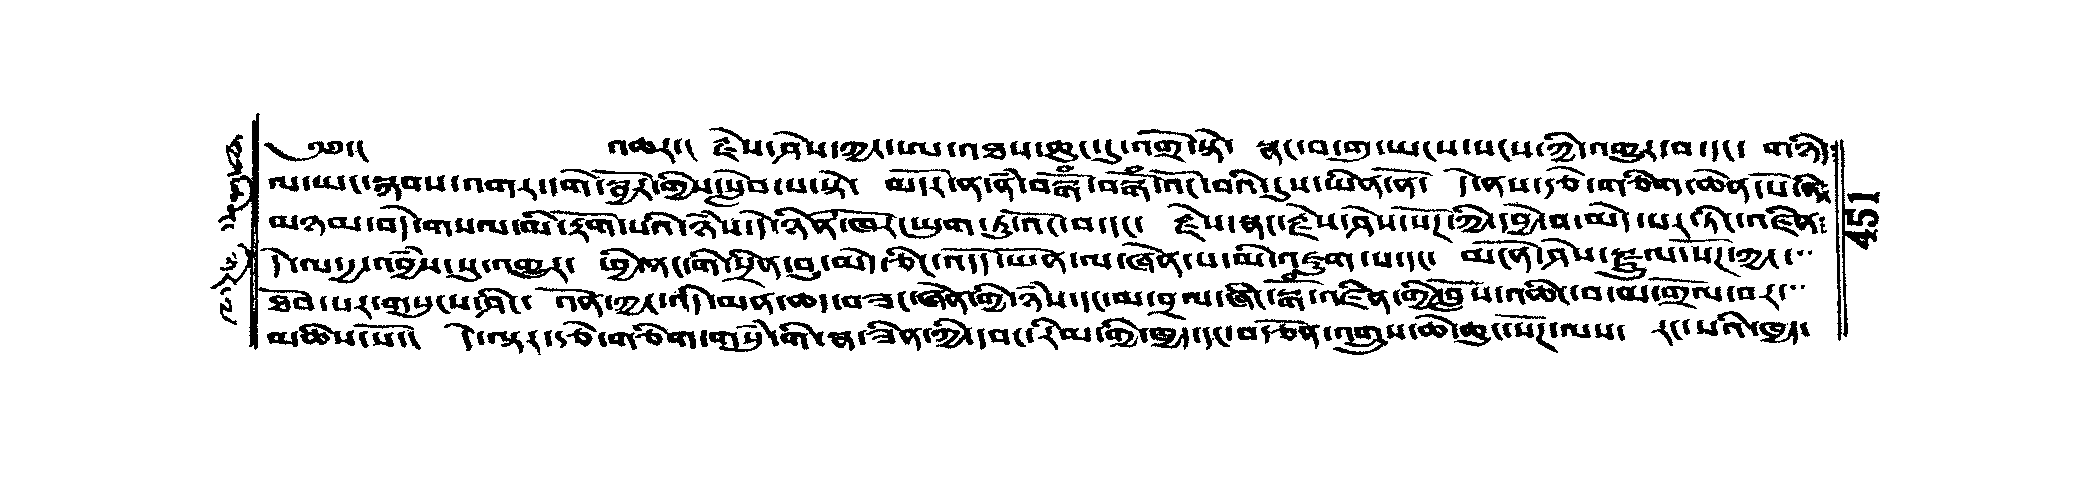འཆར། རྗེས་ཤེས་ཀྱང་ཨ་འཐས་ཆུང་དུ་འགྲོ་སྟེ། སྣང་བ་གུ་ཡངས་སངས་ཀྱི་འགྱུར་བ་དང་། གཉིད་
ལ་ཡང་སྐབས་འགར་དགེ་སྦྱོར་གྱིས་སླེབ་པ་སྟེ། མདོར་ན་ནམ་བསྒོམ་བསྒོམ་འོང་བའི་དུས་ཡིན་ནོ། དེ་ནས་རྩེ་གཅིག་ཆེན་པོ་ནི་
མཉམ་བཞག་བདེ་གསལ་མི་རྟོག་པའི་ཉམས་དེ་ཉིན་མཚན་ཁོར་ཡུག་ཏུ་འོང་བ་དང་། རྗེས་སྣང་རྗེས་ཤེས་སོགས་ཀྱི་དབྱེ་བ་མེད་པར་ཏིང་འཛིན་
དེ་ལ་རྒྱ་འབྱམས་སུ་འགྱུར།ཕྱི་ནང་གི་སྲིན་བུ་མེད་ཅིང་འདོད་ཡོན་ལ་ཞེན་པ་མི་འཇུག་པ་དང་། མངོན་ཤེས་རྫུ་འཕྲུལ་སོགས་ཀྱང་
ཐོབ་པར་གསུངས་ཤིང་། འོན་ཀྱང་འདི་མན་ཆད་བཟང་ཞེན་གྱི་ཉམས་དང་མ་བྲལ་ཞིང་སྒོ་འཛིན་གྱི་བློས་འཆིང་བ་མ་གྲོལ་བར་
མཆིས་སོ། དེ་ལྟར་རྩེ་གཅིག་གསུམ་གྱི་སྣ་ཟིན་གྱི་དབང་རིམ་གྱི་ཁྱད་དང་བརྩོན་འགྲུས་ཆེ་ཆུང་སོགས་ལས། རང་སའི་ཁྱད་